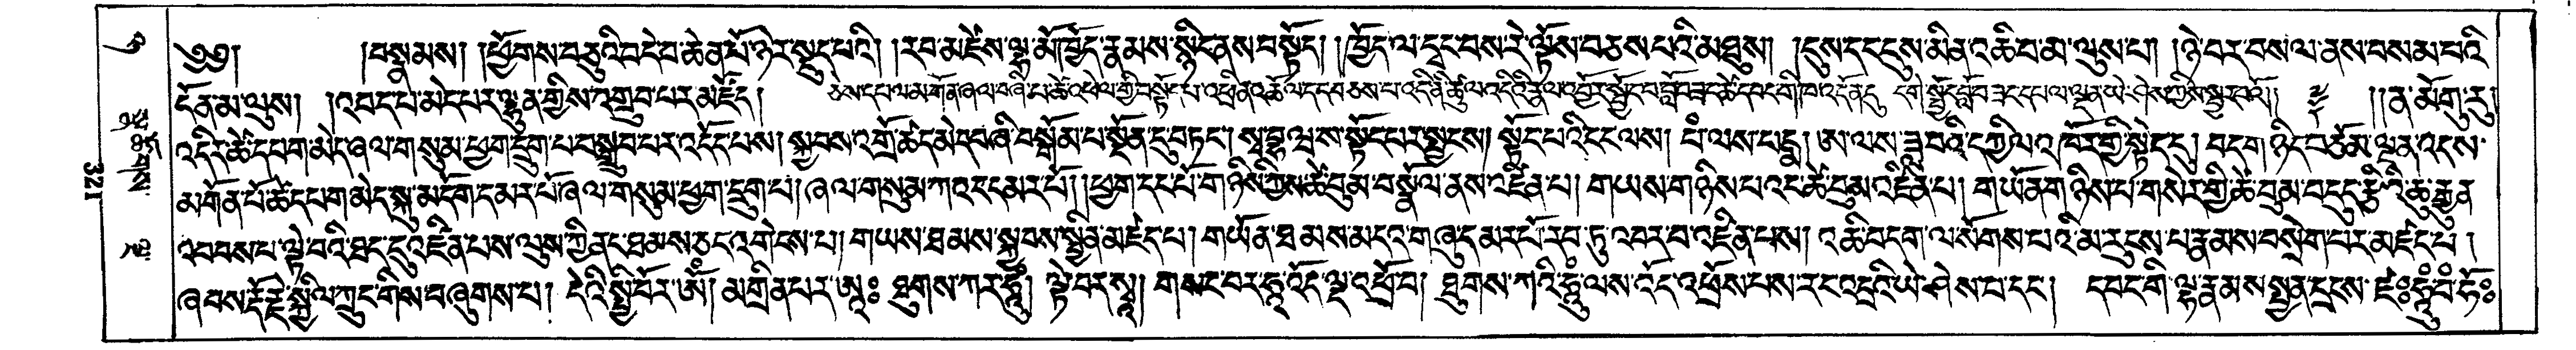༄༅། །བསྣམས། །ཕྱོགས་བཅུའི་བདེ་བ་ཆེན་པོ་ཉེར་སྡུད་པའི། །རབ་མཛེས་ལྷ་མོ་ཁྱོད་རྣམས་སྙིང་ནས་བསྟོད། །ཁྱོད་ལ་དྭང་བས་རེ་ལྟོས་བཅས་པའི་མཐུས། །དུས་དང་དུས་མིན་འཆི་བ་མ་ལུས་པ། །ཉེ་བར་བསལ་ནས་བསམ་པའི་
དོན་མ་ལུས། །འབད་པ་མེད་པར་ལྷུན་གྱིས་འགྲུབ་པར་མཛོད། ཅེས་དཔལ་མགོན་ཞལ་བཞི་པ་ཚེ་འཕེལ་གྱི་བསྟོད་པ་འཕྲིན་འཆོལ་དང་བཅས་པ་འདི་ནི་ཚུལ་འདིའི་རྣལ་འབྱོར་སྤྱོད་པ་བློ་བཟང་ཚེ་དབང་གི་ཁ་འདོན་དུ་དགེ་སློང་བློ་བཟང་དཔལ་ལྡན་ཡེ་ཤེས་ཀྱི་སྦྱར་བའོ།། ༈ །།ན་མོ་གུ་རུ།
འདིར་ཚེ་བདག་མེད་ཞལ་གསུམ་ཕྱག་དྲུག་པ་བསྒྲུབ་པར་འདོད་པས། སྐྱབས་འགྲོ་ཚད་མེད་བཞི་བསྒོམ་པ་སྔོན་དུ་བཏང་། སྭ་བྷཱ་ཝས་སྟོང་པར་སྦྱངས། སྟོང་བའི་ངང་ལས། པཾ་ལས་པདམ། ཨ་ལས་ཟླ་བའི་དཀྱིལ་འཁོར་གྱི་སྟེང་དུ། བདག་ཉིད་བཅོམ་ལྡན་འདས་
མགོན་པོ་ཆེ་དཔག་མེད་སྐུ་མདོག་དམར་པོ་ཞལ་གསུམ་ཕྱག་དྲུག་པ། ཞལ་གསུམ་ཀའང་དམར་པོ། །ཕྱག་དང་པོ་གཉིས་གྱིས་ཚེ་བུམ་བསྣོལ་ནས་འཛིན་པ། གཡས་གཉིས་པའང་ཚེ་བུམ་འཛིན་པ། གཡོན་གཉིས་པ་གསེར་གྱི་ཚེ་བུམ་བདུད་རྩིའི་ཆུ་རྒྱུན་
འབབས་པ་ལྟེ་བའི་ཐང་དུ་འཛིན་པས་ལུས་ཀྱི་ནང་ཐམས་ཅད་འགེངས་པ། གཡས་ཐ་མས་སྐྱབས་སྦྱིན་མཛད་པ། གཡོན་ཐ་མས་མདའ་གཞུ་དམར་པོ་རབ་ཏུ་འབར་བ་འཛིན་པས། འཆི་བདག་ལ་སོགས་པའི་མ་རུངས་པ་རྣམས་བསྲེག་པར་མཛད་པ།
ཞབས་རྡོ་རྗེ་སྐྱིལ་ཀྲུང་གིས་བཞུགས་པ། དེའི་སྤྱི་བོར་ཨོཾ། མགྲིན་པར་ཨཱཿ ཐུགས་ཀར་ཧཱུཾ། ལྟེ་བར་སྭཱ། གསང་བར་ཧཱ་འོད་ལྔ་འཕྲོ་བ། ཐུགས་ཀའི་ཧཱུཾ་ལས་འོད་འཕྲོས་པས་རང་འདྲའི་ཡེ་ཤེས་པ་དང་། དབང་གི་ལྷ་རྣམས་སྤྱན་དྲངས། ཛཿ ཧཱུཾ་བཾ་ཧོཿ